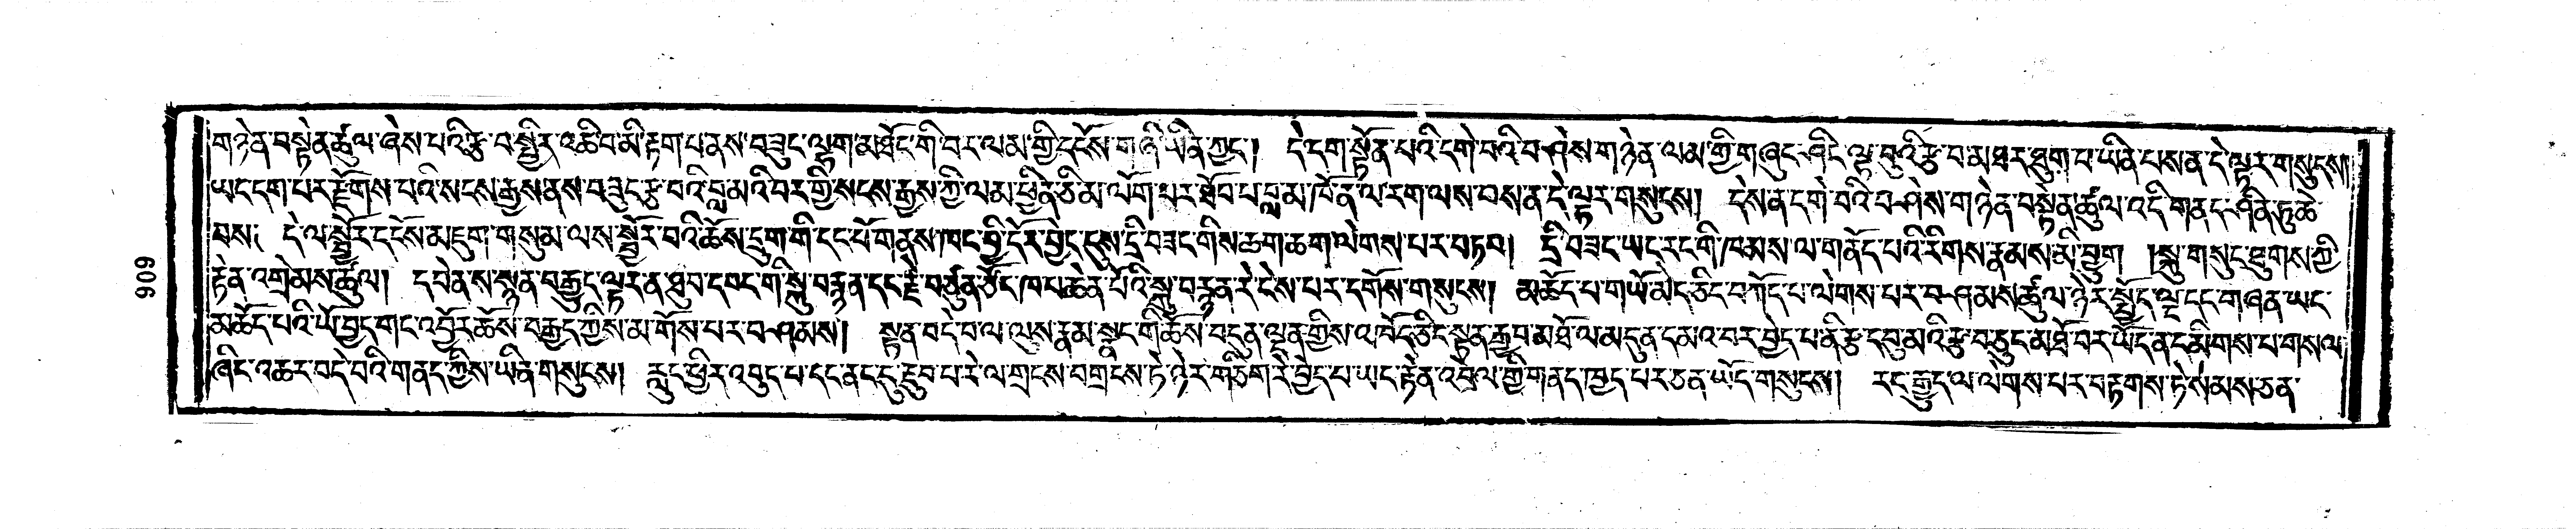གཉེན་བསྟེན་ཚུལ་ཞེས་པའི་རྩ་བ་སྤྱིར་འཆི་བ་མི་རྟག་པ་ནས་བཟུང་ལྷག་མཐོང་གི་བར་ལམ་གྱི་དངོས་གཞི་ཡིན་ཀྱང་། དེ་དག་སྟོན་པའི་དགེ་བའི་བཤེས་གཉེན་ལམ་གྱི་གཞུང་ཤིང་ལྟ་བུའི་རྩ་བ་མཐར་ཐུག་པ་ཡིན་པས་ན་དེ་ལྟར་གསུངས།
ཡང་དག་པར་རྫོགས་པའི་སངས་རྒྱས་ནས་བཟུང་རྩ་བའི་བླ་མའི་བར་གྱི་སངས་རྒྱས་ཀྱི་ལམ་ཕྱིན་ཅི་མ་ལོག་པར་ཐོབ་པ་བླ་མ་ཁོ་ན་ལ་རག་ལས་བས་ན་དེ་ལྟར་གསུངས། དེས་ན་དགེ་བའི་བཤེས་གཉེན་བསྟེན་ཚུལ་འདི་གནད་ཤིན་ཏུ་ཆེ་
བས༑ དེ་ལ་སྦྱོར་དངོས་མཇུག་གསུམ་ལས་སྦྱོར་བའི་ཆོས་དྲུག་གི་དང་པོ་གནས་ཁང་བྱི་དོར་བྱེད་དུས་དྲི་བཟང་གིས་ཆག་ཆག་ལེགས་པར་བཏབ། དྲི་བཟང་ཡང་རང་གི་ཁམས་ལ་གནོད་པའི་རིགས་རྣམས་མི་བྱུག །སྐུ་གསུང་ཐུགས་ཀྱི་
རྟེན་འགྲེམས་ཚུལ། དབེན་ས་སྙན་བརྒྱུད་ལྟར་ན་ཐུབ་དབང་གི་སྐུ་བརྙན་དང་རྗེ་བཙུན་ཙོང་ཁ་པ་ཆེན་པཱི་སྐུ་བརྙན་རེ་ངེས་པར་དགོས་གསུངས། མཆོད་པ་གཡོ་མེད་ཅིང་བཀོད་པ་ལེགས་པར་བཤམས་ཚུལ་ཉེར་སྤྱོད་ལྔ་དང་གཞན་ཡང་
མཆོད་པའི་ཡོ་བྱད་གང་འབྱོར་ཆོས་བརྒྱད་ཀྱིས་མ་གོས་པར་བཤམས། སྟན་བདེ་བ་ལ་ལུས་རྣམ་སྣང་གི་ཆོས་བདུན་ལྡན་གྱིས་འཁོད་ཅིང་སྟན་རྒྱབ་མཐོ་ལ་མདུན་དམའ་བར་བྱེད་པ་ནི་རྩ་དབུ་མའི་རྩ་བ་ཅུང་མཐོ་བར་ཡོད་ན་དམིགས་པ་གསལ་
ཞིང་འཆར་བདེ་བའི་གནད་ཀྱིས་ཡིན་གསུངས། རླུང་ཕྱིར་འབུད་པ་དང་ནང་དུ་རྡུབ་པ་རེ་ལ་གྲངས་བགྲངས་ཏེ་ཉེར་གཅིག་རེ་བྱེད་པ་ཡང་རྟེན་འབྲེལ་གྱི་གནད་ཁྱད་པར་ཅན་ཡོད་གསུངས། རང་རྒྱུད་ལ་ལེགས་པར་བརྟགས་ཏེ་སེམས་ཅན་